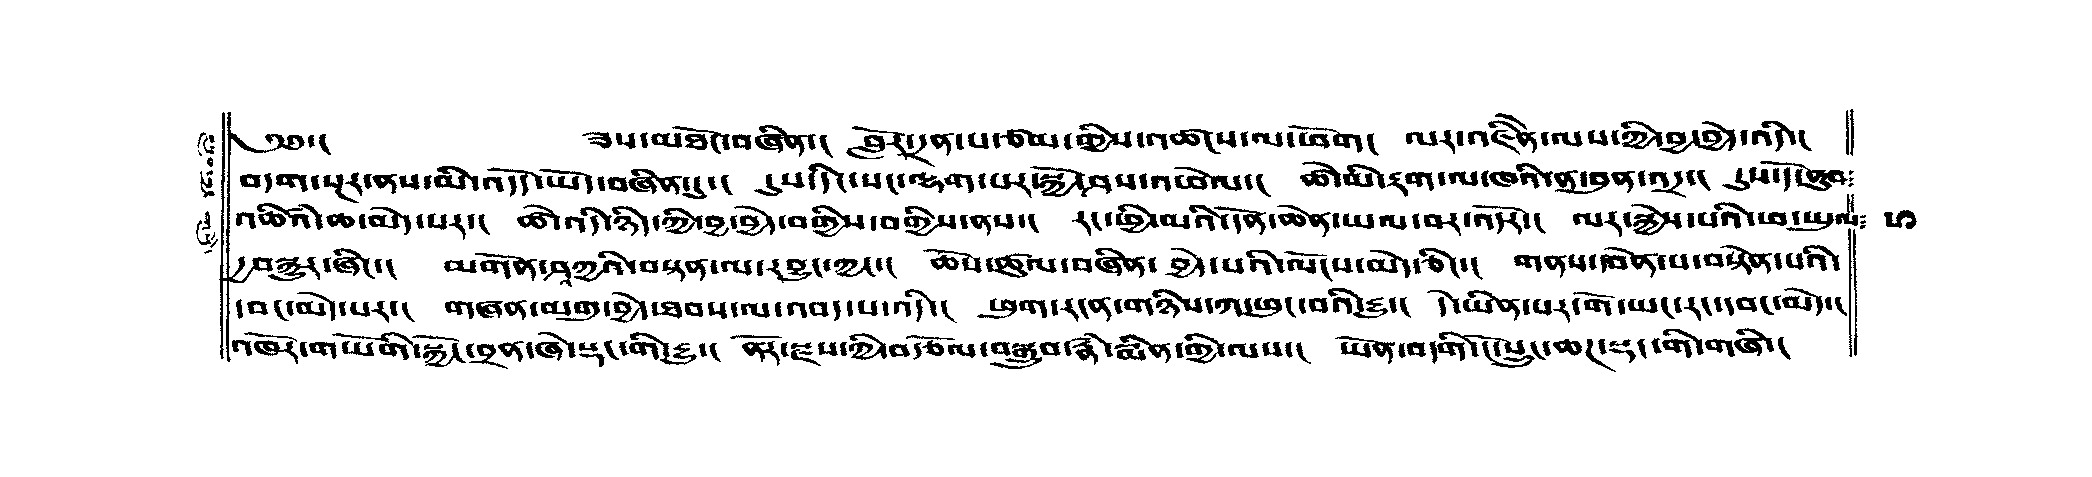ཟས་མཐོང་བཞིན། །བློར་དྲན་པ་ཙམ་གྱིས་འཚངས་ལ་ཕོག །ལར་འཇིག་རྟེན་ལས་ཀྱི་བྱ་བྱེད་འདི། །
བདག་སྔར་ནས་མི་འདོད་ཡོད་བཞིན་དུ། །དུས་དིང་སང་ལྷག་པར་སྐྱོ་ཤས་འཕེལ། །ཚེ་མི་རྟག་ལ་ཁའི་ན་བུན་འདྲ། །དུས་དོ་ནུབ་
འཆིའམ་ཆ་མེད་པར། །ཚེ་འདི་ཉིད་ཀྱི་བྱ་བྱེད་བགྱིད་བགྱིད་ནས། །རང་ཕྱི་མའི་དོན་ཆེན་ཡལ་བར་འདོར། །ལར་སྐྱེས་པའི་ཕ་ཡུལ་
རྒྱབ་བསྐྱུར་ཞིང་། །མགོན་ཤཱཀྱའི་བསྟན་ལ་རབ་བྱུང་ཀྱང་། །ཆོས་ཚུལ་བཞིན་བྱེད་པའི་ལོང་མེད་ཅིང་། །གནས་དབེན་པ་བསྟེན་པའི་
དབང་མེད་པར། །གཞན་མགུ་བྱེད་ཐབས་ལ་འབད་པ་འདི། །ཕུགས་རང་གཞན་གཉིས་ཀ་ཕུང་པའི་རྒྱུ། །དེ་ཡིན་པར་གོ་ཡང་རང་དབང་མེད། །
འཁོར་གཡོག་གི་སྐྱོང་བྲན་ཞེ་སྡང་གི་རྒྱུ། །ནོར་རྫས་ཀྱི་རྩོལ་བསྒྲུབ་རྣམ་སྨིན་གྱི་ལས། །ཡོན་བདག་གི་ངོ་སླང་ཆགས་སྡང་གི་གཞི། །